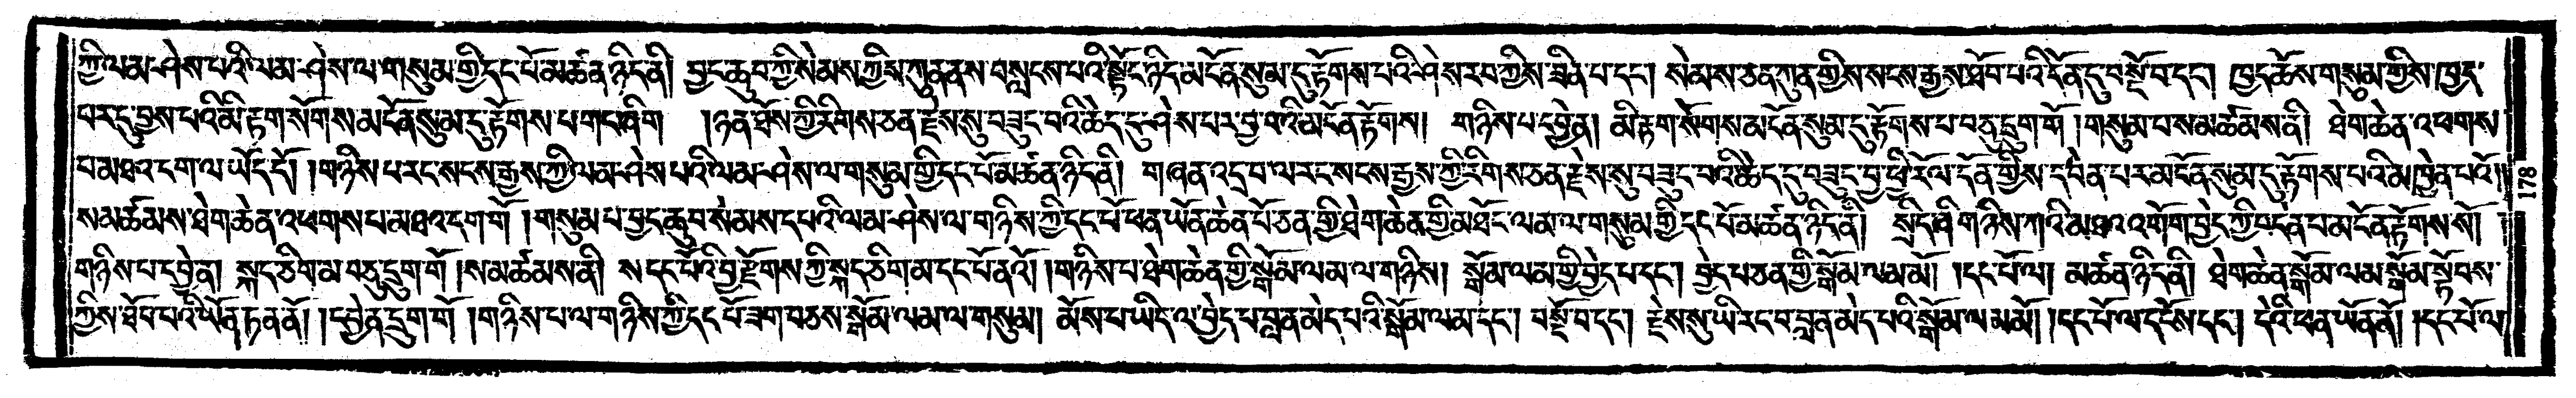ཀྱི་ལམ་ཤེས་པའི་ལམ་ཤེས་ལ་གསུམ་གྱི་དང་པོ་མཚན་ཉིད་ནི། བྱང་ཆུབ་ཀྱི་སེམས་ཀྱིས་ཀུན་ནས་བསླངས་པའི་སྟོང་ཉིད་མངོན་སུམ་དུ་རྟོགས་པའི་ཤེས་རབ་ཀྱིས་ཟིན་པ་དང་། སེམས་ཅན་ཀུན་གྱིས་སངས་རྒྱས་ཐོབ་པའི་དོན་དུ་བསྔོ་བ་དང་། ཁྱད་ཆོས་གསུམ་གྱིས་ཁྱད་
པར་དུ་བྱས་པའི་མི་རྟག་སོགས་མངོན་སུམ་དུ་རྟོགས་པ་གང་ཞིག །ཉན་ཐོས་ཀྱི་རིགས་ཅན་རྗེས་སུ་བཟུང་བའི་ཆེད་དུ་ཤེས་པར་བྱ་བའི་མངོན་རྟོགས། གཉིས་པ་དབྱེ་ན། མི་རྟག་སོགས་མངོན་སུམ་དུ་རྟོགས་པ་བཅུ་དྲུག་གོ །གསུམ་པ་ས་མཚམས་ནི། ཐེག་ཆེན་འཕགས་
པ་མཐའ་དག་ལ་ཡོད་དོ། །གཉིས་པ་རང་སངས་རྒྱས་ཀྱི་ལམ་ཤེས་པའི་ལམ་ཤེས་ལ་གསུམ་གྱི་དང་པོ་མཚན་ཉིད་ནི། གཞན་འདྲ་བ་ལ་རང་སངས་རྒྱས་ཀྱི་རིགས་ཅན་རྗེས་སུ་བཟུང་བའི་ཆེད་དུ་བཟུང་བྱ་ཕྱི་རོལ་དོན་གྱིས་དབེན་པར་མངོན་སུམ་དུ་རྟོགས་པའི་མཁྱེན་པའོ།།
ས་མཚམས་ཐེག་ཆེན་འཕགས་པ་མཐའ་དག་གོ །གསུམ་པ་བྱང་ཆུབ་སེམས་དཔའི་ལམ་ཤེས་ལ་གཉིས་ཀྱི་དང་པོ་ཕན་ཡོན་ཆེན་པོ་ཅན་གྱི་ཐེག་ཆེན་གྱི་མཐོང་ལམ་ལ་གསུམ་གྱི་དང་པོ་མཚན་ཉིད་ནི། སྲིད་ཞི་གཉིས་ཀའི་མཐའ་འགོག་བྱེད་ཀྱི་བདེན་པ་མངོན་རྟོགས་སོ། །
གཉིས་པ་དབྱེ་ན། སྐད་ཅིག་མ་བཅུ་དྲུག་གོ །ས་མཚམས་ནི། ས་དང་པོའི་བྱ་རྫོགས་ཀྱི་སྐད་ཅིག་མ་དང་པོ་ནའོ། །གཉིས་པ་ཐེག་ཆེན་གྱི་སྒོམ་ལམ་ལ་གཉིས། སྒོམ་ལམ་གྱི་བྱེད་པ་དང་། བྱེད་པ་ཅན་གྱི་སྒོམ་ལམ་མོ། །དང་པོ་ལ། མཚན་ཉིད་ནི། ཐེག་ཆེན་སྒོམ་ལམ་སྒོམ་སྟོབས་
ཀྱིས་ཐོབ་པའི་ཡོན་ཏན་ནོ། །དབྱེ་ན་དྲུག་གོ །གཉིས་པ་ལ་གཉིས་ཀྱི་དང་པོ་ཟག་བཅས་སྒོམ་ལམ་ལ་གསུམ། མོས་པ་ཡིད་ལ་བྱེད་པ་བླ་ན་མེད་པའི་སྒོམ་ལམ་དང་། བསྔོ་བ་དང་། རྗེས་སུ་ཡི་རང་བ་བླ་ན་མེད་པའི་སྒོམ་ལམ་མོ། །དང་པོ་ལ་དངོས་དང་། དེའི་ཕན་ཡོན་ནོ། །དང་པོ་ལ་